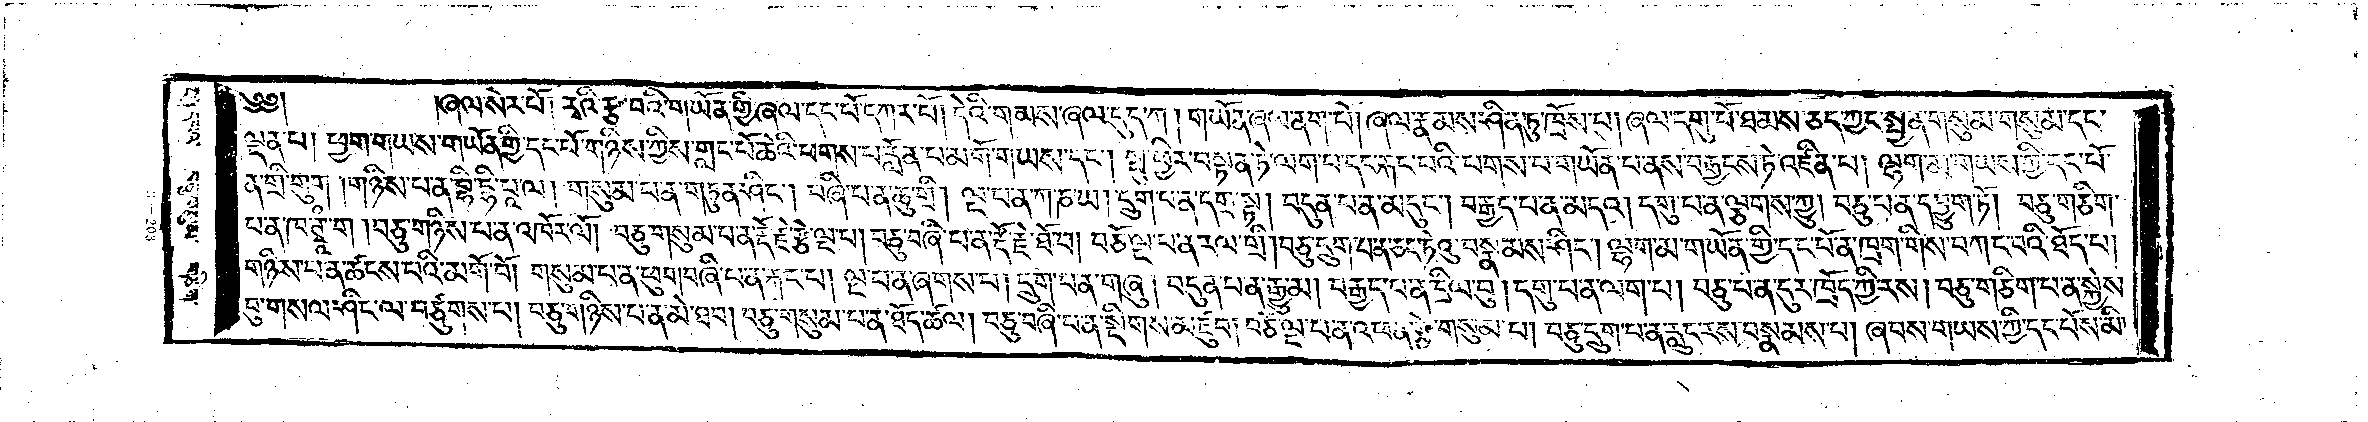༄༅། །ཞལ་སེར་པོ། རྭའི་རྩ་བའི་གཡོན་གྱི་ཞལ་དང་པོ་དཀར་པོ། དེའི་གམས་ཞལ་དུད་ཀ། གཡོན་ཞལ་ནག་པོ། ཞལ་རྣམས་ཤིན་ཏུ་ཁྲོས་པ། ཞལ་དགུ་པོ་ཐམས་ཅད་ཀྱང་སྤྱན་གསུམ་གསུམ་དང་
ལྡན་པ། ཕྱག་གཡས་གཡོན་གྱི་དང་པོ་གཉིས་ཀྱིས་གླང་པོ་ཆེའི་ཕགས་པ་རློན་པ་མགོ་གཡས་དང་། སྤུ་ཕྱིར་བསྟན་ཏེ་ལག་པ་དང་རྐང་པའི་པགས་པ་གཡོན་པ་ནས་བརྒྱངས་ཏེ་འཛིན་པ། ལྷག་མ་གཡས་ཀྱི་དང་པོ་
ན་གྲི་གུག །གཉིས་པ་ན་བྷི་དྷི་པཱ་ལ། གསུམ་པ་ན་གཏུན་ཤིང་། བཞི་པ་ན་ཆུ་གྲི། ལྔ་པ་ན་ཀ་ཎ་ཡ། དྲུག་པ་ན་དགྲ་སྟ། བདུན་པ་ན་མདུང་། བརྒྱད་པ་ན་མདའ། དགུ་པ་ན་ལྕགས་ཀྱུ། བཅུ་པ་ན་དབྱུག་ཏོ། བཅུ་གཅིག་
པ་ན་ཁ་ཊྭཱཾ་ག །བཅུ་གཉིས་པ་ན་འཁོར་ལོ། བཅུ་གསུམ་པ་ན་རྡོ་རྗེ་རྩེ་ལྔ་པ། བཅུ་བཞི་པ་ན་རྡོ་རྗེ་ཐོ་བ། བཅོ་ལྔ་པ་ན་རལ་གྲི། བཅུ་དྲུག་པ་ན་ཅང་ཏེའུ་བསྣམས་ཤིང་། ལྷག་མ་གཡོན་གྱི་དང་པོ་ན་ཁྲག་གིས་བཀང་བའི་ཐོད་པ།
གཉིས་པ་ན་ཚངས་པའི་མགོ་བོ། གསུམ་པ་ན་ཕུག་བཞི་པ་ན་རྐང་པ། ལྔ་པ་ན་ཞགས་པ། དྲུག་པ་ན་གཞུ། བདུན་པ་ན་རྒྱུ་མ། བརྒྱད་པ་ན་དྲིལ་བུ། དགུ་པ་ན་ལག་པ། བཅུ་པ་ན་དུར་ཁྲོད་ཀྱི་རས། བཅུ་གཅིག་པ་ན་སྐྱེས་
བུ་གསལ་ཤིང་ལ་བཙུགས་པ། བཅུ་གཉིས་པ་ན་མེ་ཐབ། བཅུ་གསུམ་པ་ན་ཐོད་ཚལ། བཅུ་བཞི་པ་ན་སྡིགས་མཛུབ། བཅོ་ལྔ་པ་ན་འཕན་རྩེ་གསུམ་པ། བཅུ་དྲུག་པ་ན་རླུང་རས་བསྣམས་པ། ཞབས་གཡས་ཀྱི་དང་པོས་མི།